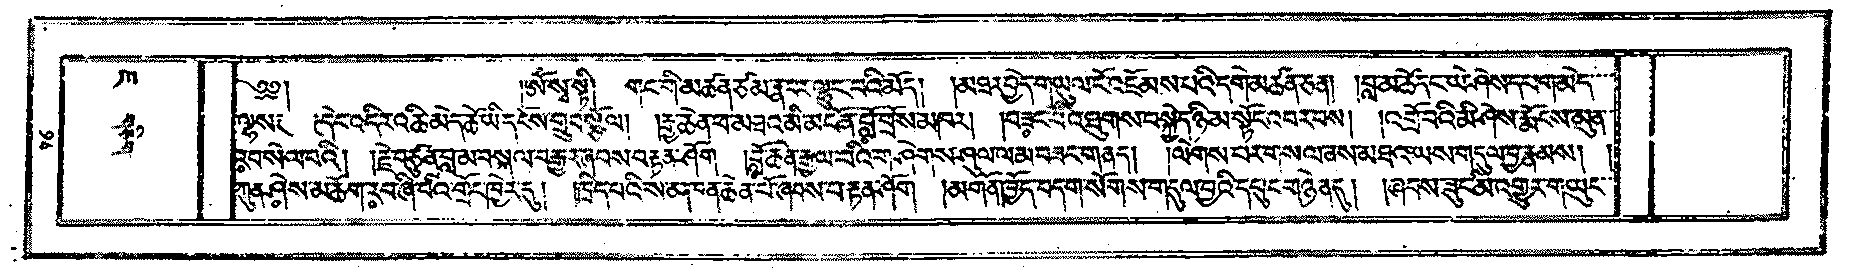༄༅། །ཨོཾ་སྭ་སྟི། གང་གི་མཚན་ཙམ་རྣ་བར་ལྷུང་བའི་མོད། །མཐར་བྱེད་གཡུལ་ངོ་འཇོམས་པའི་དགེ་མཚན་ཅན། །བླ་མ་ཚེ་དང་ཡེ་ཤེས་དཔག་མེད་
ལྷས། །དེང་འདིར་འཆི་མེད་ཚེ་ཡི་དངོས་གྲུབ་སྩོལ། །རྒྱ་ཆེན་ཕ་མཐའ་མི་མངོན་བློ྾་གྲོས་མཁར། །བཟང་པོའི་ཐུགས་བསྐྱེད་ཉི་མ་སྟོང་འབར་བས། །འགྲོ་བའི་མི྾་ཤེས་རྨོངས་མུན་
རབ྾་སེལ་བའི། །རྗེ་བཙུན་བླ་མ་བསྐལ་བརྒྱར་ཞབས་བརྟན་ཤོག །བློ྾་ཆེན་རྒྱལ་བའི་གཤེགས་ཤུལ་ལམ་བཟང྾་གནད། །ལེགས་པར་གསལ་ནས་མཐའ་ཡས་གདུལ་བྱ་རྣམས། །
ཀུན་ཤེས྾་མཆོག་རབ྾་ཞི་བའི་གྲོང་ཁྱེར་དུ། །ཁྲིད་པའི་ས་མཁན་ཆེན་པོ་ཞབས་བརྟན་ཤོག །མགོན་ཁྱོད་བདག་སོགས་གདུལ་བྱའི་དཔུང་གཉེན་དུ། །ཞབས་ཟུང་མི་འགྱུར་གཡུང་